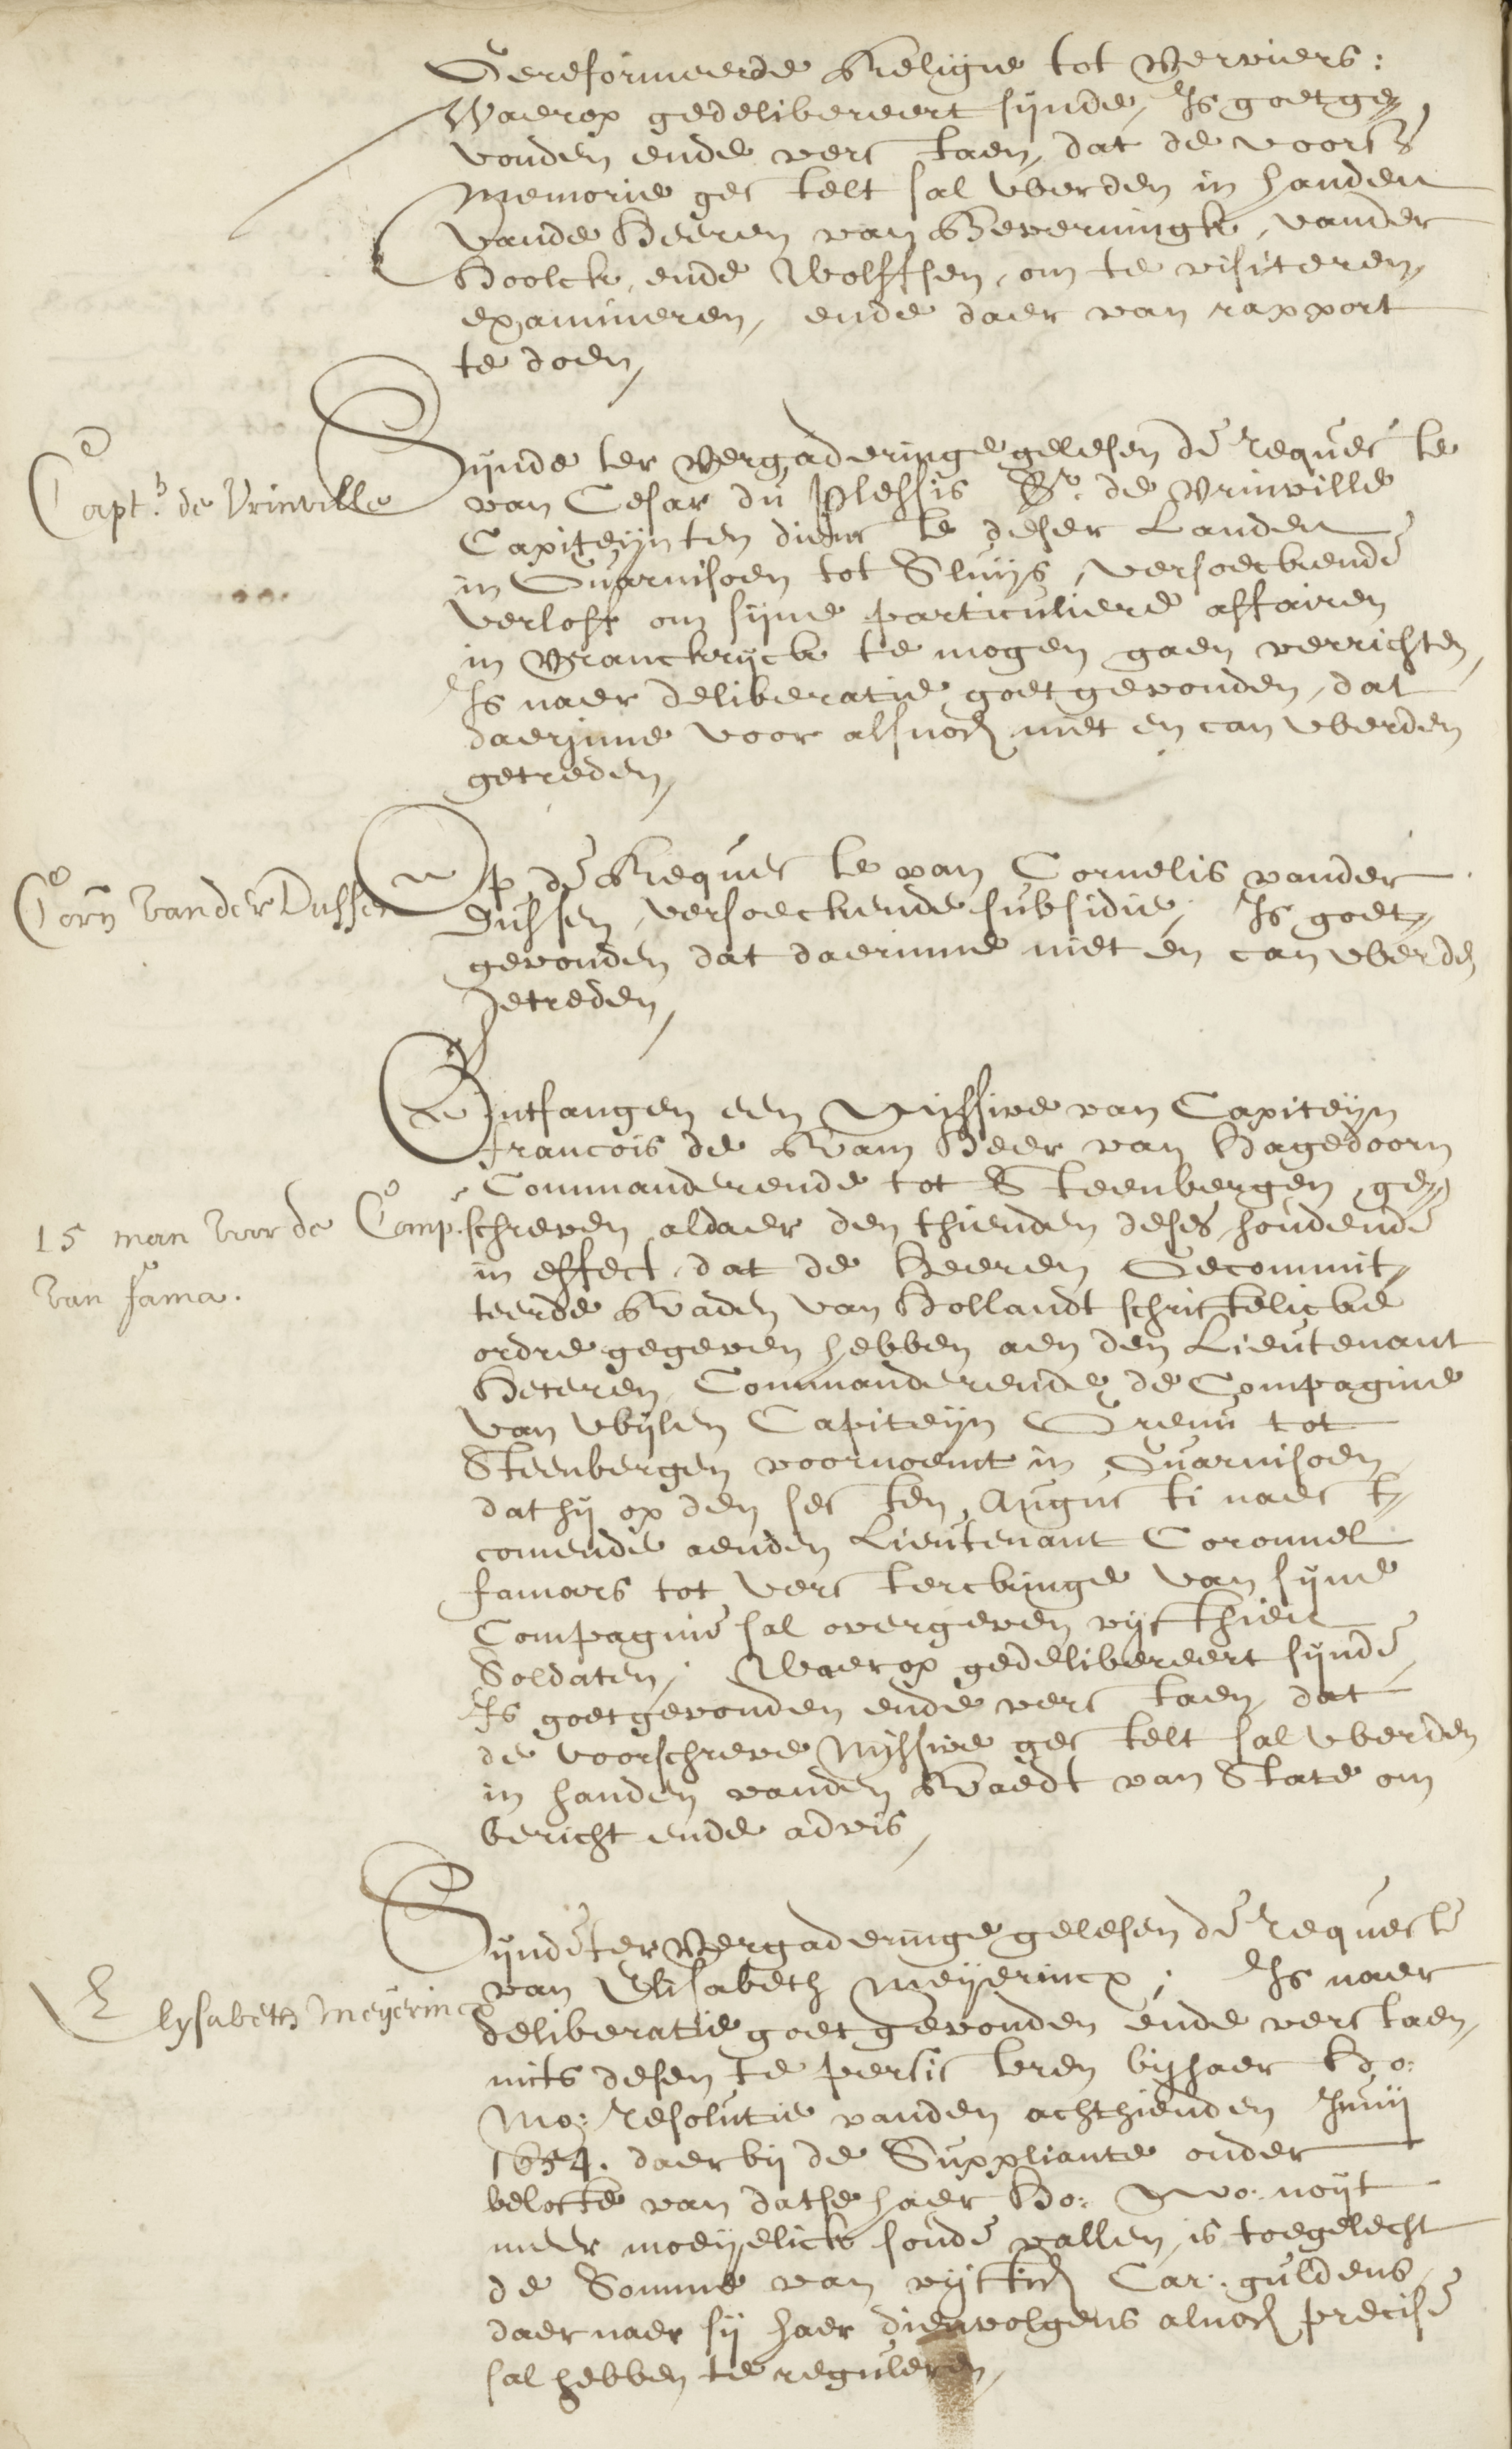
Gereformeerde Religie tot Verviers:
Waerop gedelibereert sijnde, Is goetge„
vonden ende verstaen, dat de voorss.
memorie gestelt sal werden in handen
vande Heeren van Beverningk, vander
Hoolck ende Wolffsen, om te visiteren,
examineren, ende daer van rapport
te doen.
Captn. de Vrinville
Sijnde ter Vergaderinge gelesen de requeste
van Cesar du Plessis Sr. de Vrinville
Capiteijn ten dienste deser Landen
in Guarnisoen tot Sluijs, versoeckende
verloff om sijne particuliere affairen
in Vranckrijck te mogen gaen verrichten,
Is naer deliberatie goetgevonden, dat
daerinne voor alsnoch niet en can werden
getreden.
Corn. vander Dussen
Op de Requeste van Cornelis vander
Dussen, versoeckende subsidie, Is goet„
gevonden dat daerinne niet en can werden
getreden.
15 man voor de Comp.
van fama
Ontfangen een Missive van Capiteijn
francois de Ram Heer van Hagedoorn
Commanderende tot Steenbergen, ge„
schreven aldaer den thienden deses, houdende
in effect, dat de Heeren Gecommit„
teerde Raden van Hollandt schriftelicke
ordre gegeven hebben aen den Lieutenant
Heteren Commanderende de Compagnie
van Wijlen Capiteijn Grenu tot
Steenbergen voornoemt in Guarnisoen
dat hij op den sesten Augusti naest„
comende aenden Lieutenant Coronnel
famars tot versterckinge van sijne
Compagnie sal overgeven vijfthien
Soldaten, Waerop gedelibereert sijnde
Is goetgevonden ende verstaen dat
de voorschreve Missive gestelt sal werden
in handen vanden Raedt van State om
bericht ende advis.
Elysabeth meijerincx
Sijnde ter Vergaderinge gelesen de requeste
van Elisabeth Meijerincx; Is naer
deliberatie goetgevonden ende verstaen,
mits desen te persisteren bij haer Ho:
Mo: resolutie vanden achthienden Junij
1654. daerbij de Suppliante onder
belofte van datse haer Ho:Mo: noijt
meer moeijelick soude vallen, is toegelecht
de Somme van vijftich Car. guldens
daer naer sij haer dienvolgens alnoch precise
sal hebben te reguleren.
